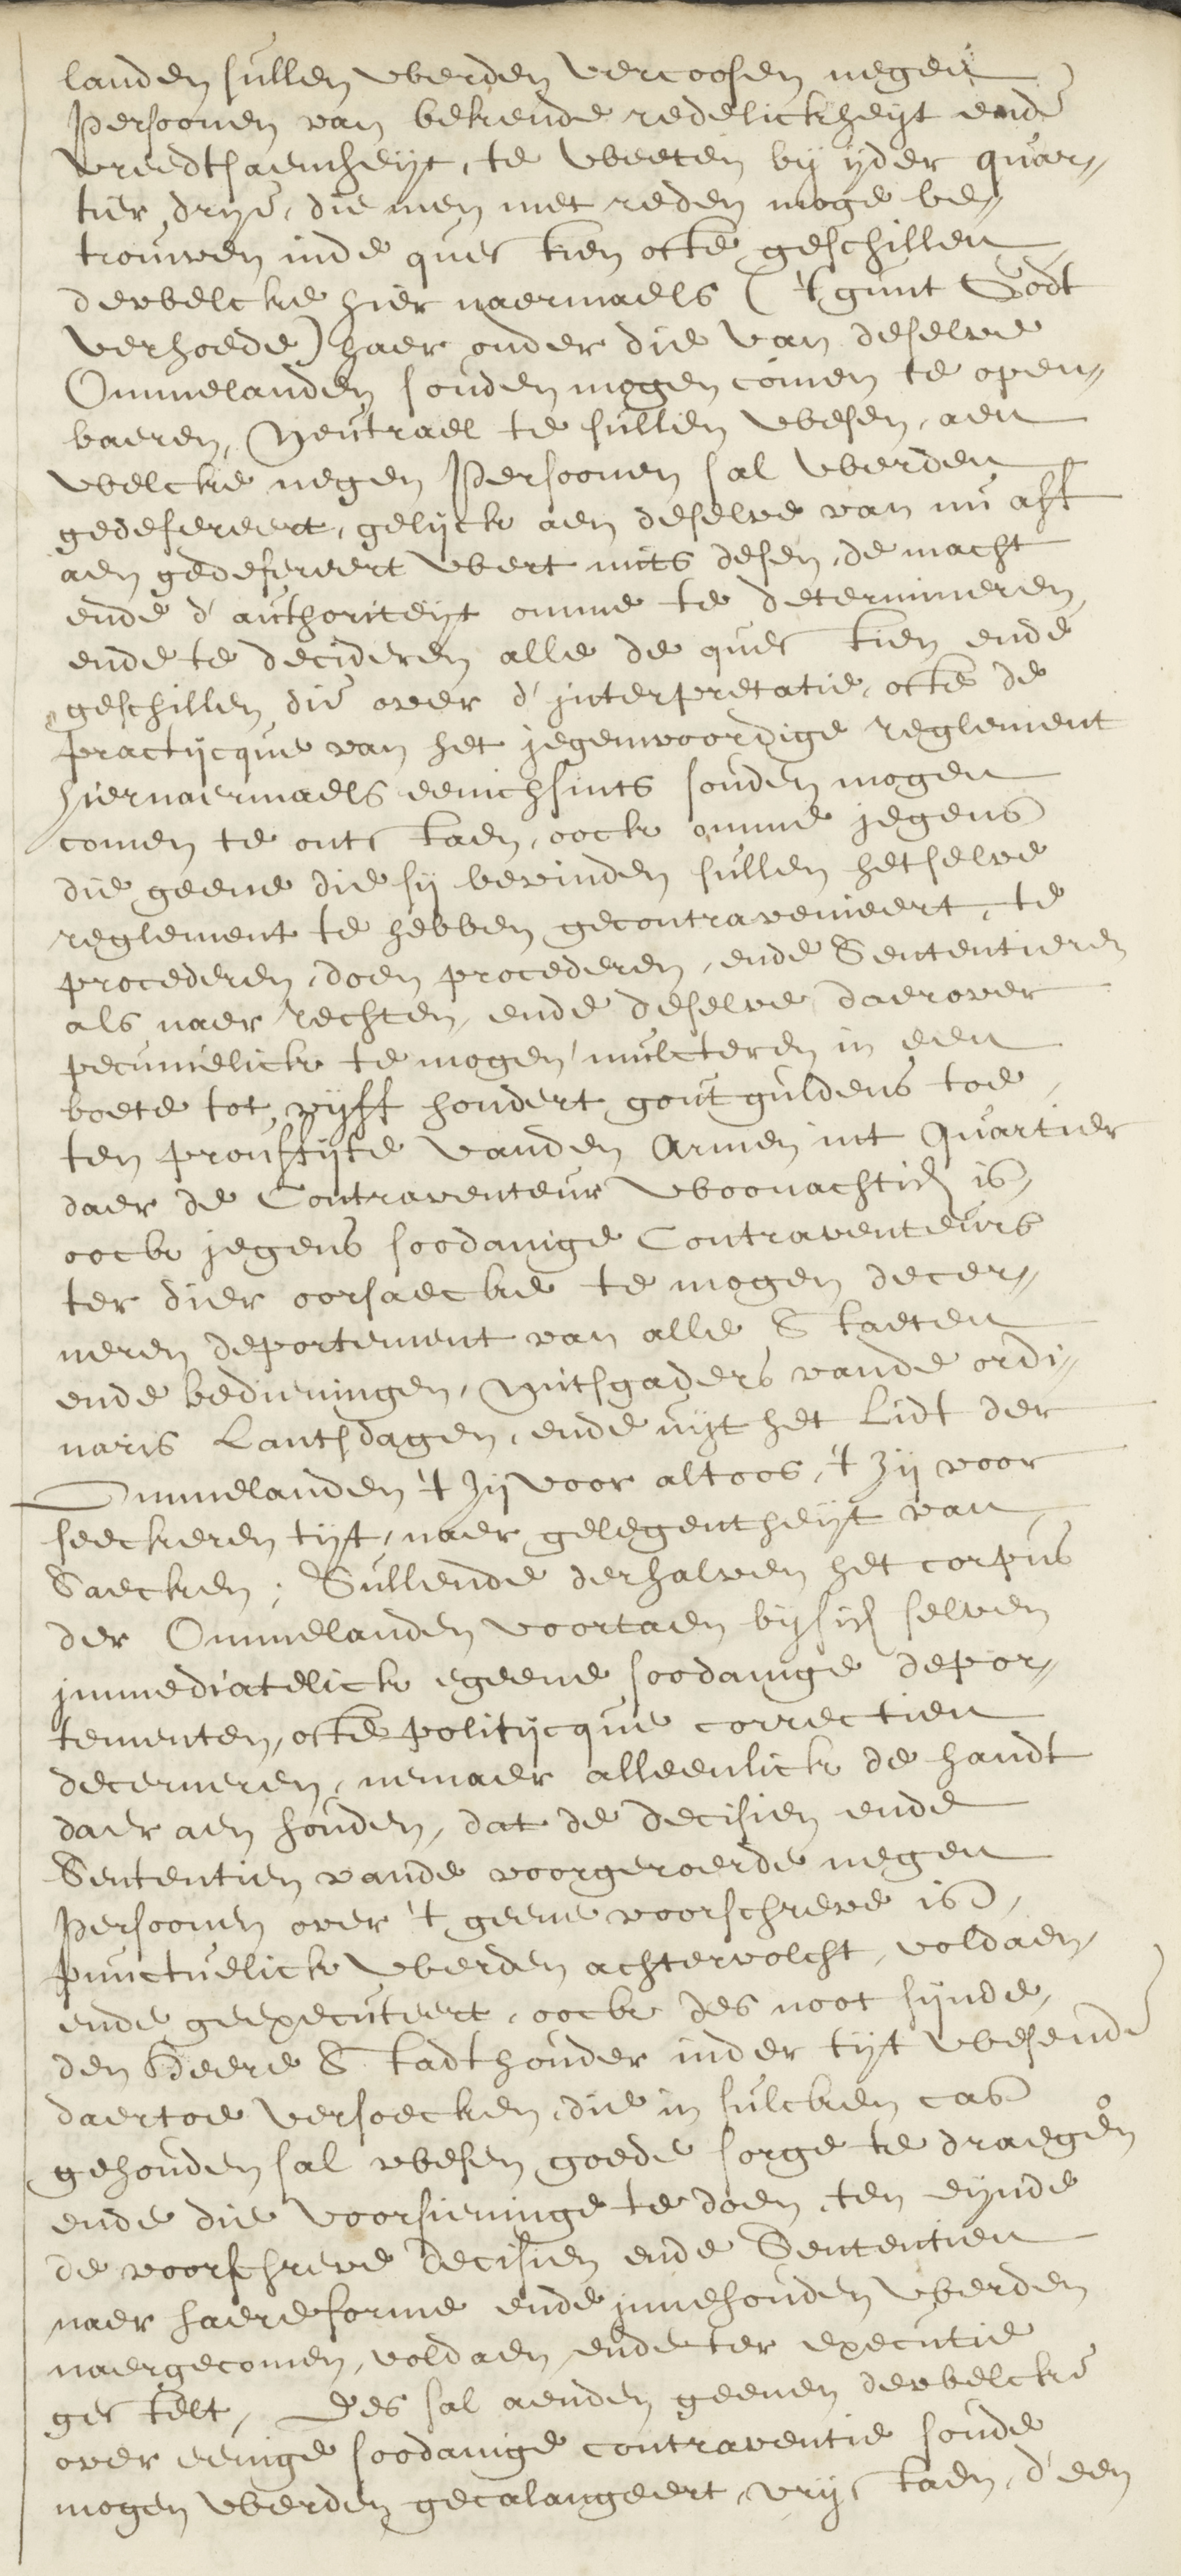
landen sullen werden vercoosen negen
persoonen van bekende redelickheijt ende
vreedtsaemheijt, te weeten bij ijder quar„
tier, drye, die men met reden moge be„
trouwen inde questien ofte geschillen
dewelcke hier naermaels ( ‛tgunt Godt
verhoede) haer onder die van deselve
Ommelanden souden mogen comen te open„
baeren, neutrael te sullen wesen, aen
welcke negen Persoonen sal werden
gedefereert, gelijck aen deselve van nu aff
aen gedefereert wert mits desen, de macht
ende d‛authoriteijt omme te determineren,
ende te decideren alle de questien ende
geschillen die over d‛interpretatie, ofte de
practijcque van het jegenwoordige reglement
hiernaermaels eenichsints souden mogen
comen te ontstaen, oock omme jegens
die geene die sij bevinden sullen hetselve
reglement te hebben gecontravenieert, te
procederen, doen procederen, ende Sententieren
als naer rechten, ende deselve daerover
pecunielick te mogen mulcteren in een
boete tot vijff hondert goutguldens toe,
ten prouffijte vanden Armen int Quartier
daer de Contraventeur woonachtich is,
oock jegens soodanige Contraventeurs
ter dier oorsaecke te mogen decer„
neren deportement van alle Staeten
ende bedieningen, mitsgaders vande ordi„
naris Lantsdagen, ende uijt het Lidt der
Ommelanden ‛t zij voor altoos, ‛t zij voor
seeckeren tijt, naer gelegentheijt van
Saecken; Sullende derhalven het corpus
der Ommelanden voortaen bij sich selven
immediatelick egeene soodanige depor„
tementen, ofte politijcque correctien
decerneren, nemaer alleenlick de handt
daer aen houden, dat de decisien ende
Sententien vande voorgeroerde negen
persoonen over ‛t geene voorschreve is,
punctuelick werden achtervolcht, voldaen,
ende geexecuteert, oock des noot sijnde,
den Heere Stadthouder inder tijt wesende
daertoe versoecken, die in sulcken cas
gehouden sal wesen goede sorge te draegen
ende die voorsieninge te doen, ten eijnde
de voorschreve decisien ende Sententien
naer haere forme ende innehouden werden
naergecomen, voldaen, ende ter executie
gestelt, Des sal aenden geenen derwelcke
over eenige soodanige contraventie soude
mogen werden gecalangeert, vrijstaen, d‛een
